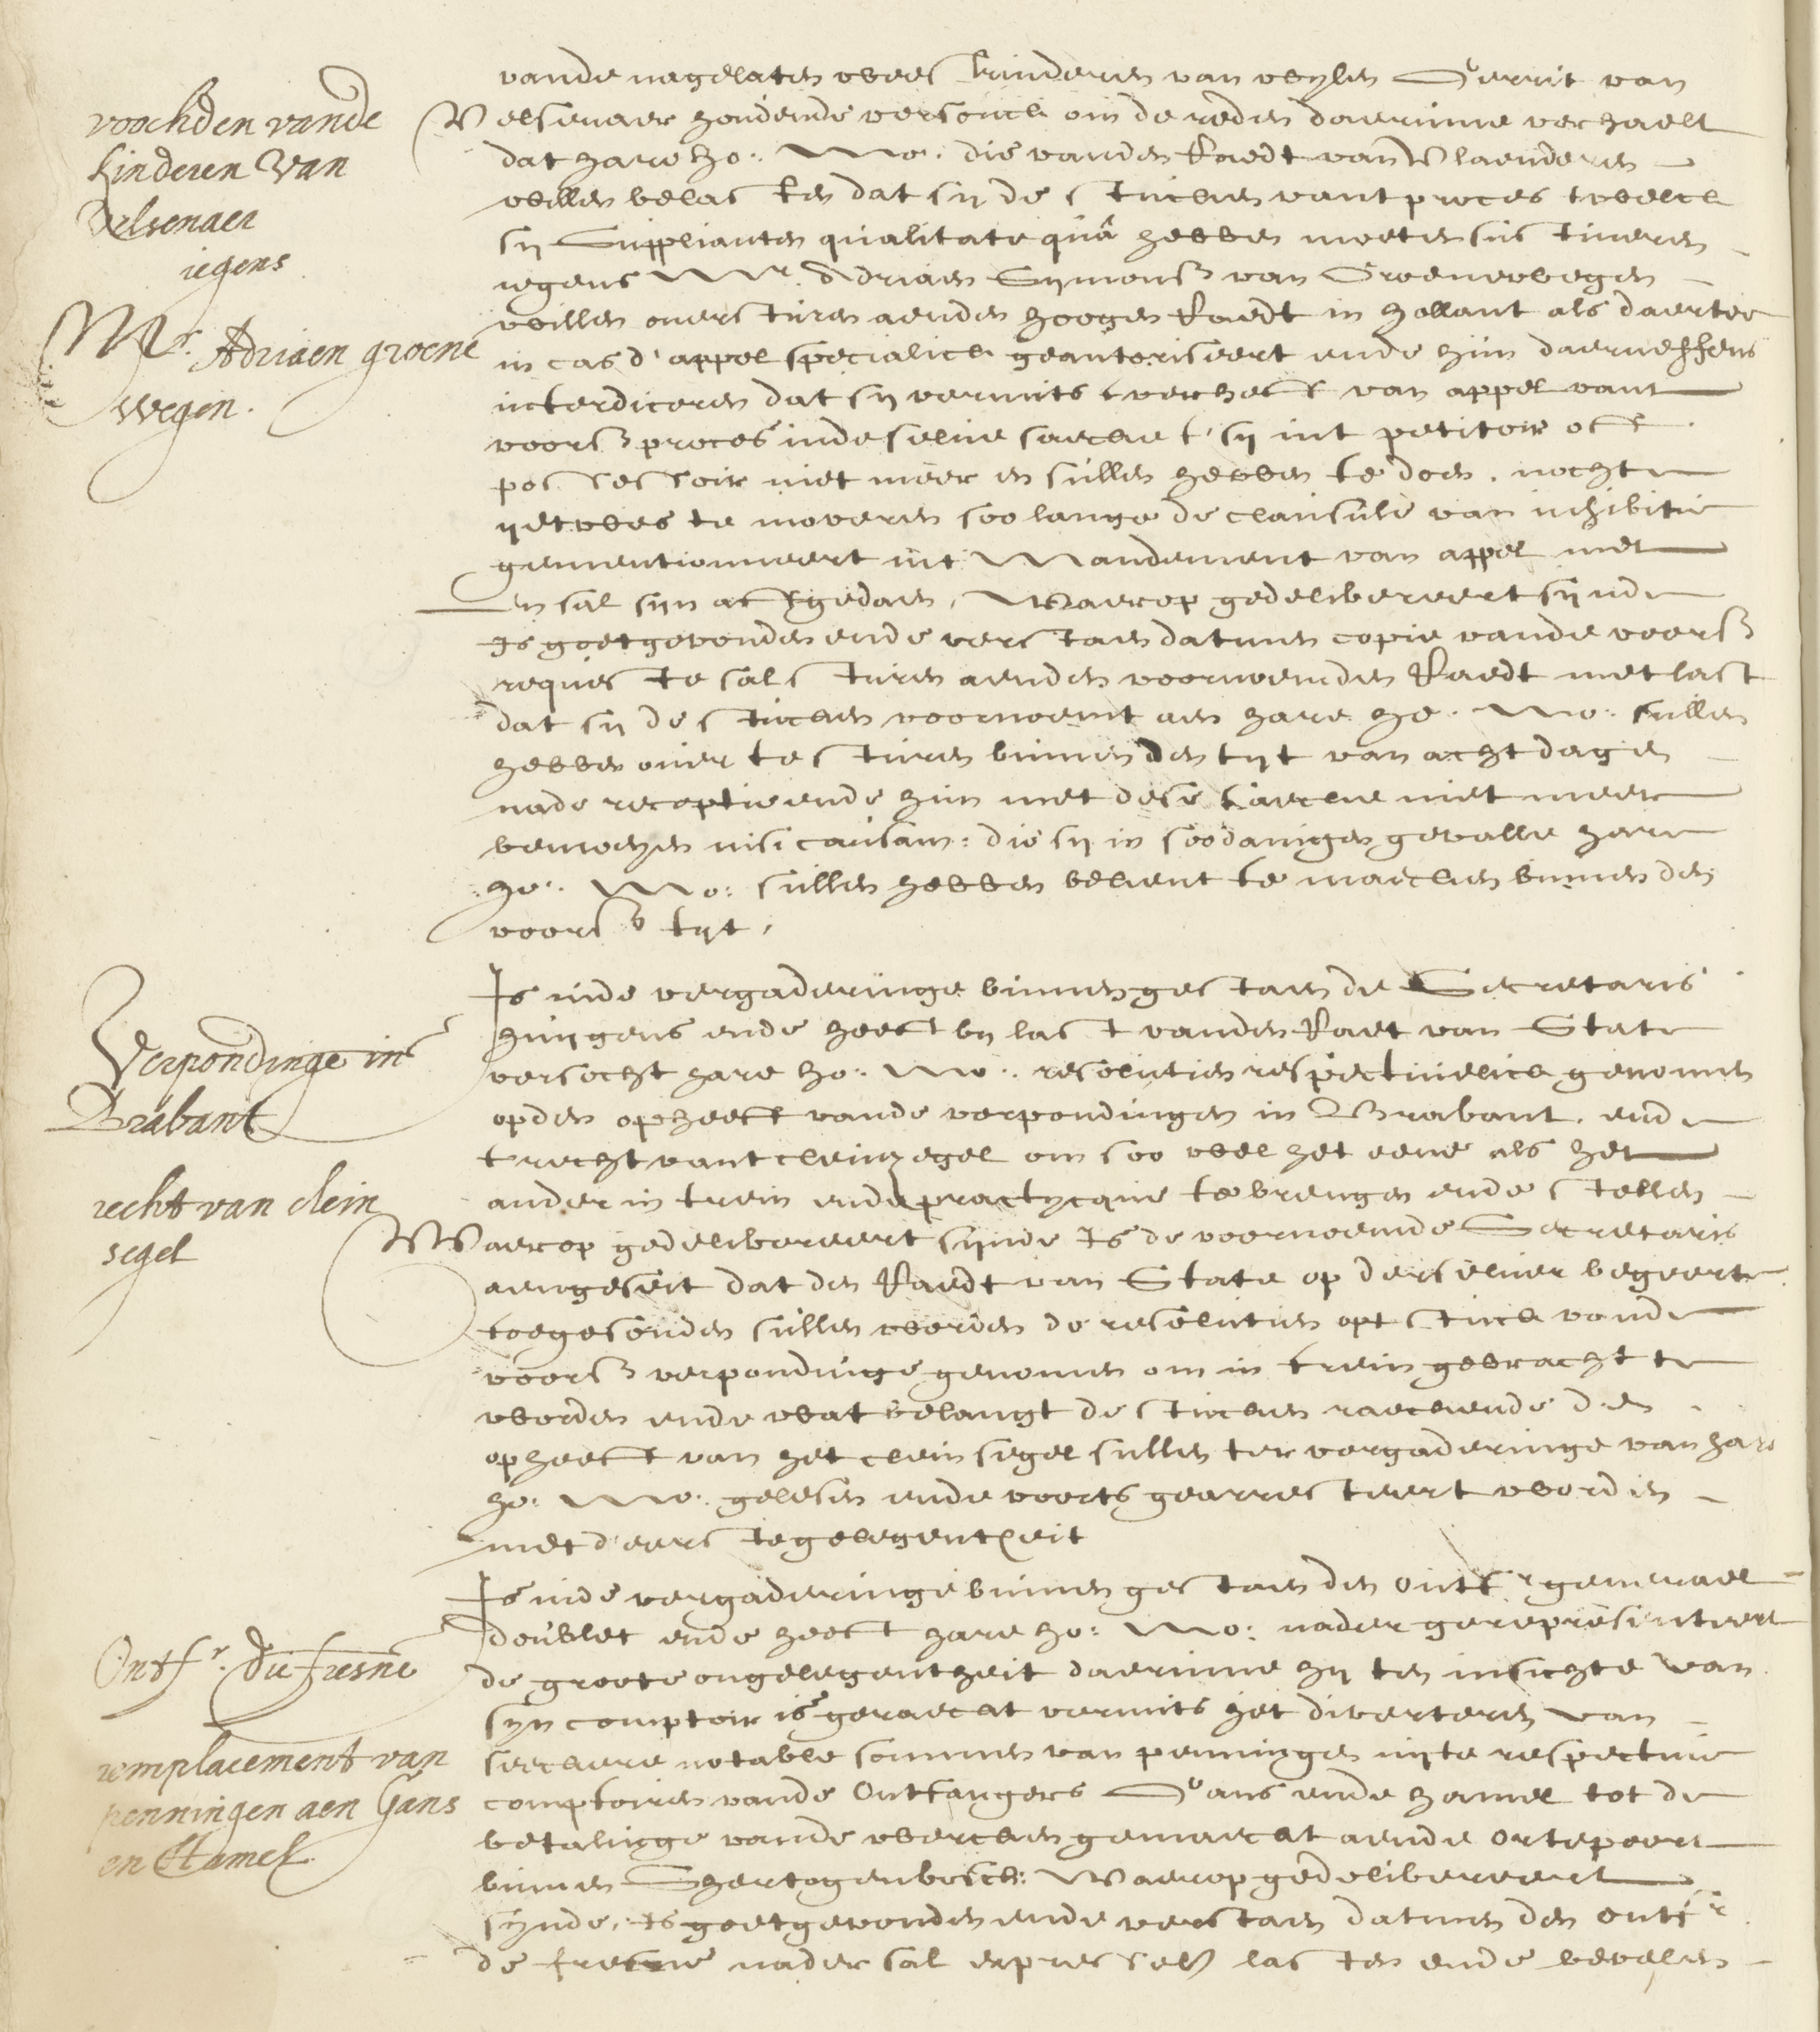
voochden vande
kinderen van
Velsenaer
iegens
Mr. Adriaen groene
wegen.
vande nagelaten weeskinderen van wylen Gerrit van
Velsenaer houdende versouck om de reden daerinne verhaelt
dat hare Ho:Mo: die vanden Raedt van Vlaenderen
willen belasten dat sy de stucken vant proces twelck
sy Supplianten qualitate quâ hebben moeten sustineren
iegens Mr. Adriaen Symons van Groenewegen
willen ouersturen aen den hoogen Raedt in hollant als daertoe
in cas d'appel specialick geautoriseert ende hun daerneffens
interdiceren dat sy vermits tverheff van appel vant
voors proces inde selue saecke t' sy int petitoir off
possessoir niet meer en sullen hebben te doen, nochte
yetwes te moveren soo lange de clausule van inhibitie
gementionneert int Mandement van appel niet
en sal syn affgedaen. Waerop gedelibereert synde
Is goetgevonden ende verstaen datmen copie vande voors
requeste sal sturen aenden voornoemden Raedt met last
dat sy de stucken voornoemt aen hare Ho:Mo: sullen
hebben ouer te sturen binnen den tyt van acht dagen
nade receptie ende hun met dese saecke niet meer
bemoeyen nisi causam: die sy in soodanigen gevalle hare
Ho:Mo: sullen hebben bekent te maecken binnen den
voors tyt.
Verpondinge in
Brabant
recht van clein
segel
Is inde vergaderinge binnen gestaen de Secretaris
Huygens ende heeft by last vanden Raet van State
versocht hare Ho:Mo: resolutien respectiuelick genomen
op den opheeff vande verpondingen in Brabant, ende
t recht vant cleinzegel om soo wel het eene als het
ander in trein ende practyque te brengen ende stellen.
Waerop gedelibereert synde Is de voornoemde Secretaris
aengeseit dat den Raedt van State op derseluer begeerte
toegesonden sullen worden de resolutien opt stuck vande
voors verpondinge genomen om in trein gebracht te
worden ende wat belangt de stucken raeckende den
opheeff van het clein segel sullen ter vergaderinge van hare
Ho:Mo: gelesen ende voorts gearresteert worden
met d‛eerste gelegentheit.
Ontfr. du fresne
remplacement van
penningen aen Gans
en Hamel.
Is inde vergaderinge binnen gestaen den ontfr. generael
Doublet ende heeft hare Ho:Mo: nader gerepresenteert
de groote ongelegentheit daerinne hy ten insichte van
syn comptoir is geraeckt vermits het diverteren van
seeckere notable sommen van penningen uyte respectiue
comptoiren vande Ontfangers Gans ende hamel tot de
betalinge vande wercken gemaeckt aende ortepoort
binnen Shertogenbosch: Waerop gedelibereert
synde, Is goetgevonden ende verstaen datmen den ontfr.
de fresne nader sal expressel lasten ende bevelen
